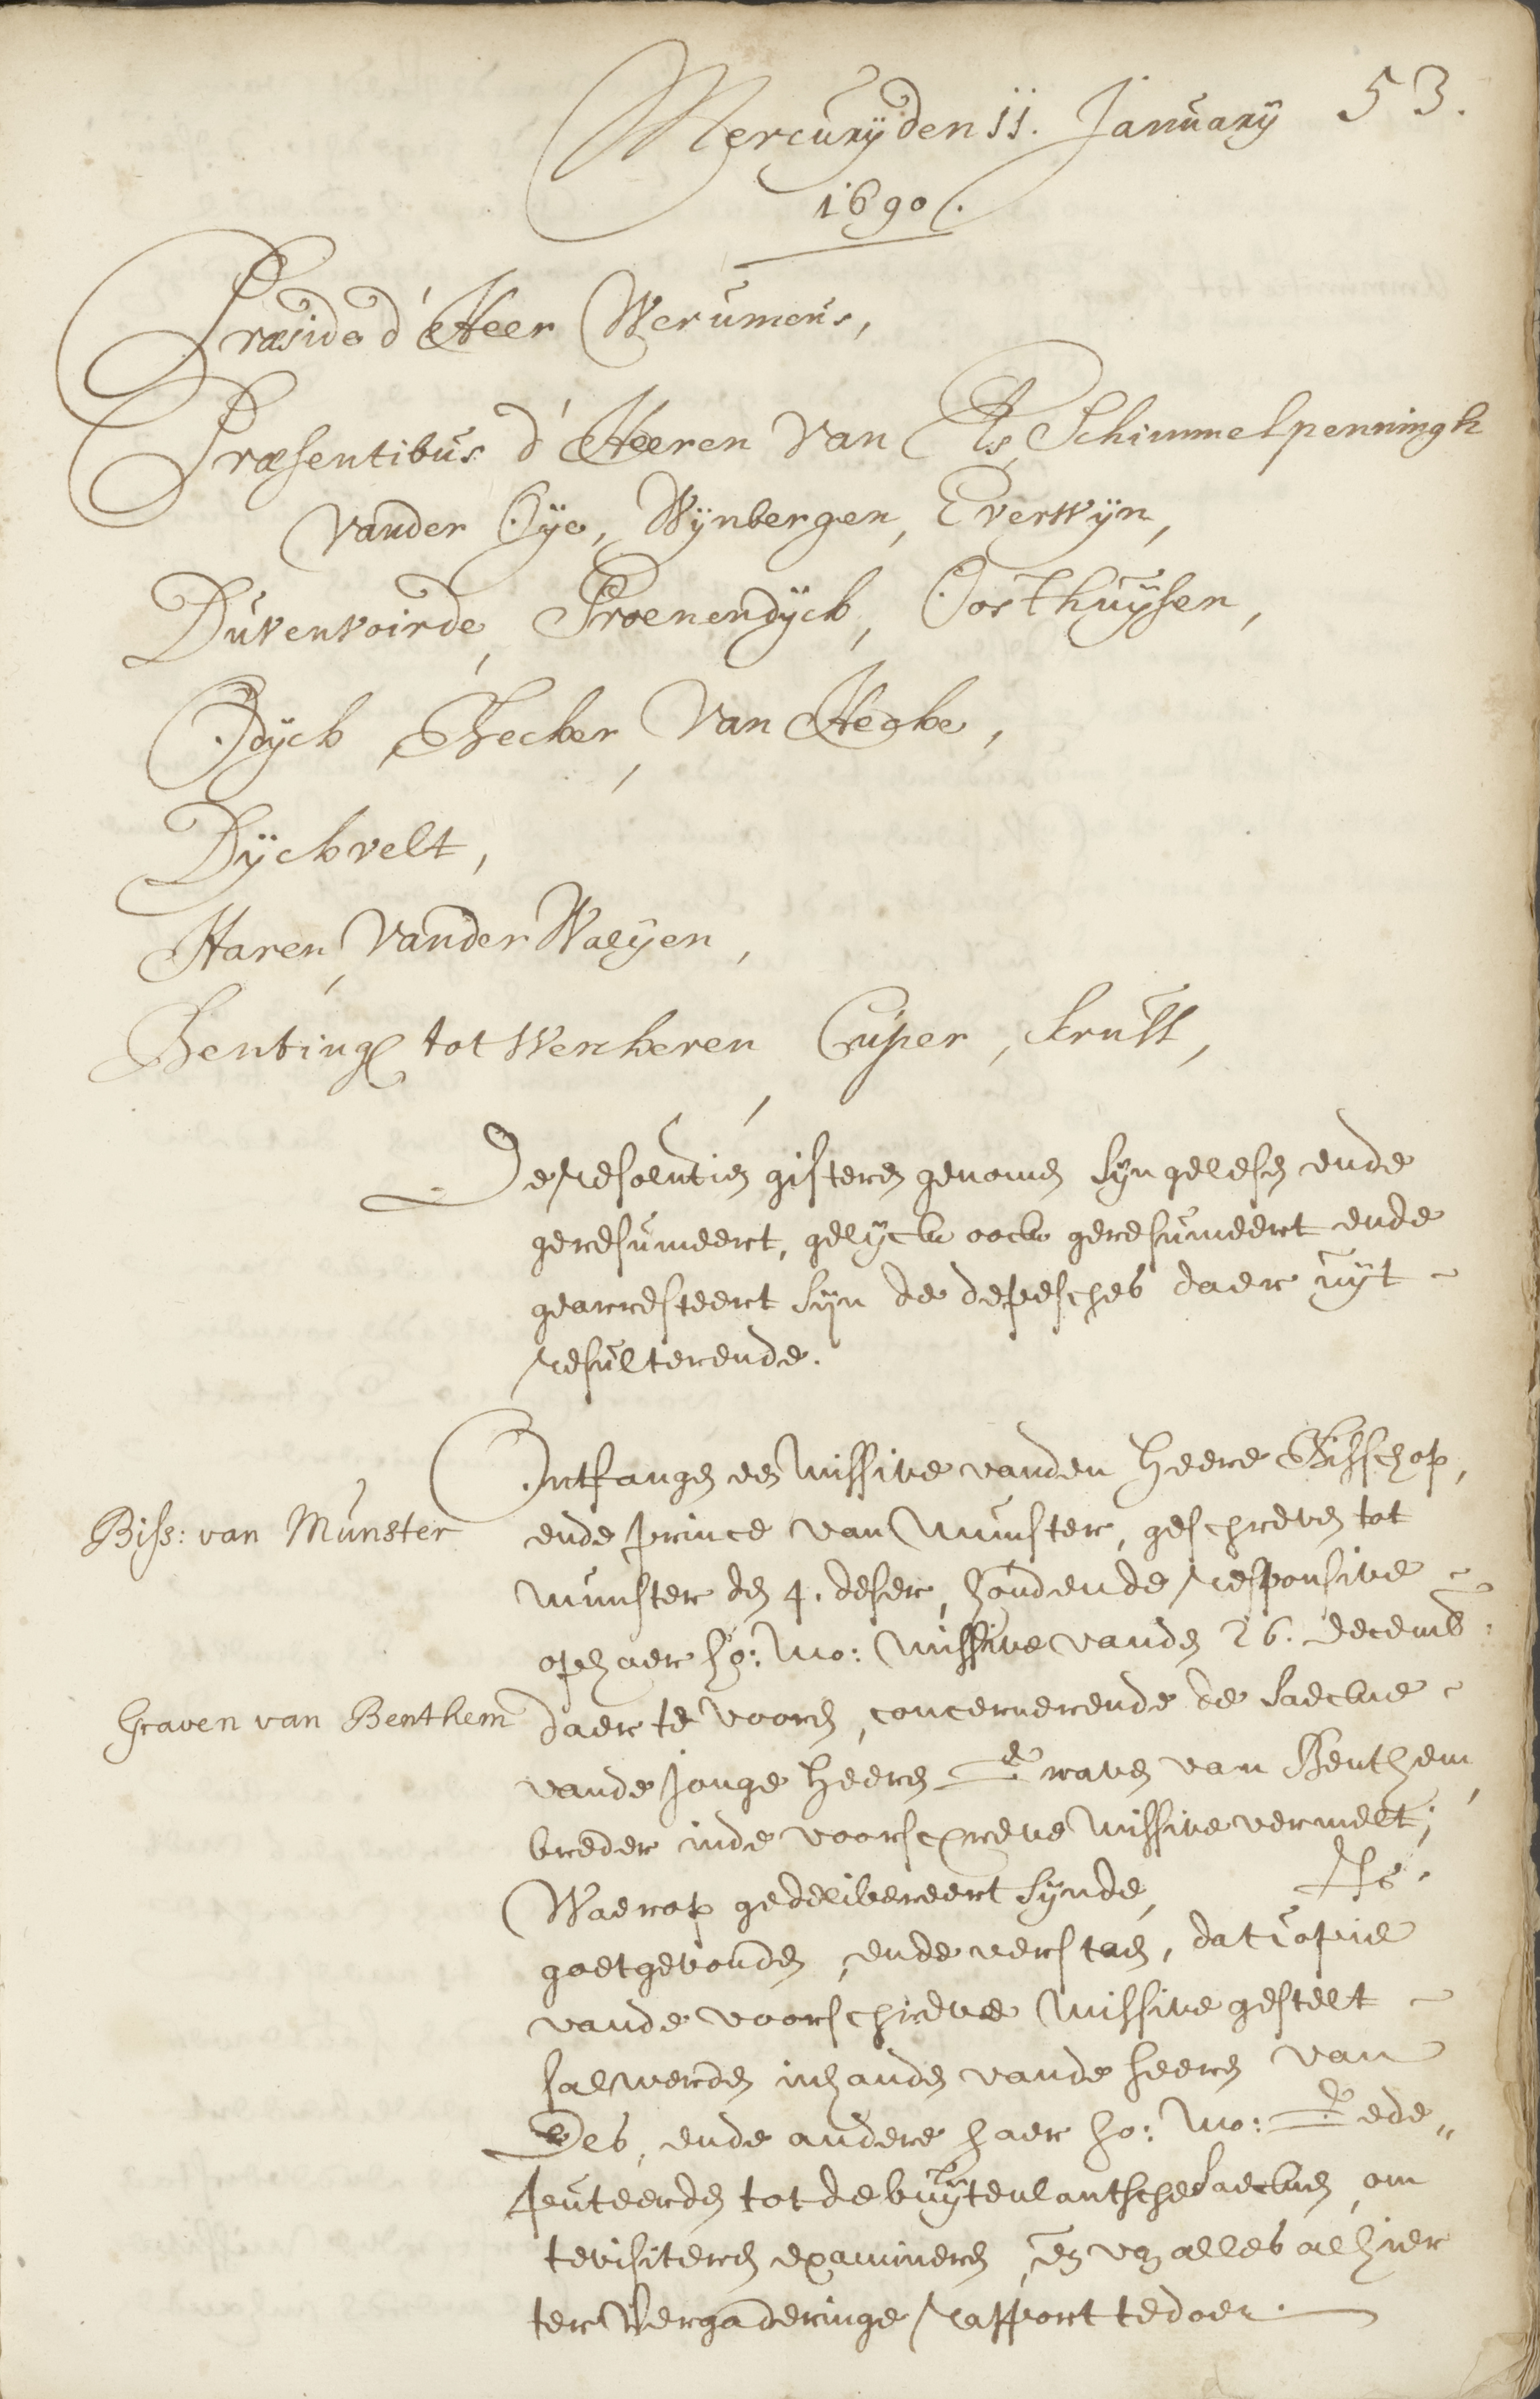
53.
Mercurij den 11. Januarij
1690.
Præside d'Heer Werumeus,
Præsentibus d'Heeren van Els Schimmelpenningh
Vander Oije, Wijnbergen, Everwijn
Duvenvoirde, Groenendijck, Oosthuijsen,
Odijck, Becker, van Hecke,
Dijckvelt
Haren vanden Waeijen
Bentingh tot Werckeren, Cuper, Krull
De resolutien gisteren genomen sijn gelesen ende
geresumeert, gelijck oock geresumeert ende
gearresteert sijn de depesches daer uijt
resulterende.
Biss: van Munster,
Graven van Benthem
Ontfangen een missive vanden heere Bisschop,
ende Prince van Munster, geschreven tot
Munster den 4. deser, houdende responsive
op haer Ho:Mo: missive vanden 26. Decemb.
daer te vooren, concernerende de saecke
vande Jonge heeren Graven van Benthem
breder inde voorschreve missive vermelt:
Waerop gedelibereert sijnde, Is
goetgevonden, ende verstaen, dat copie
vande voorschreve missive gestelt
sal werden inhanden vande heeren van
Els, ende andere haer Ho:Mo: Gede„
puteerden tot de buijtenlantsche saecken om
te visiteren examineren, en van alles alhier
ter Vergaderinge rapport te doen.
